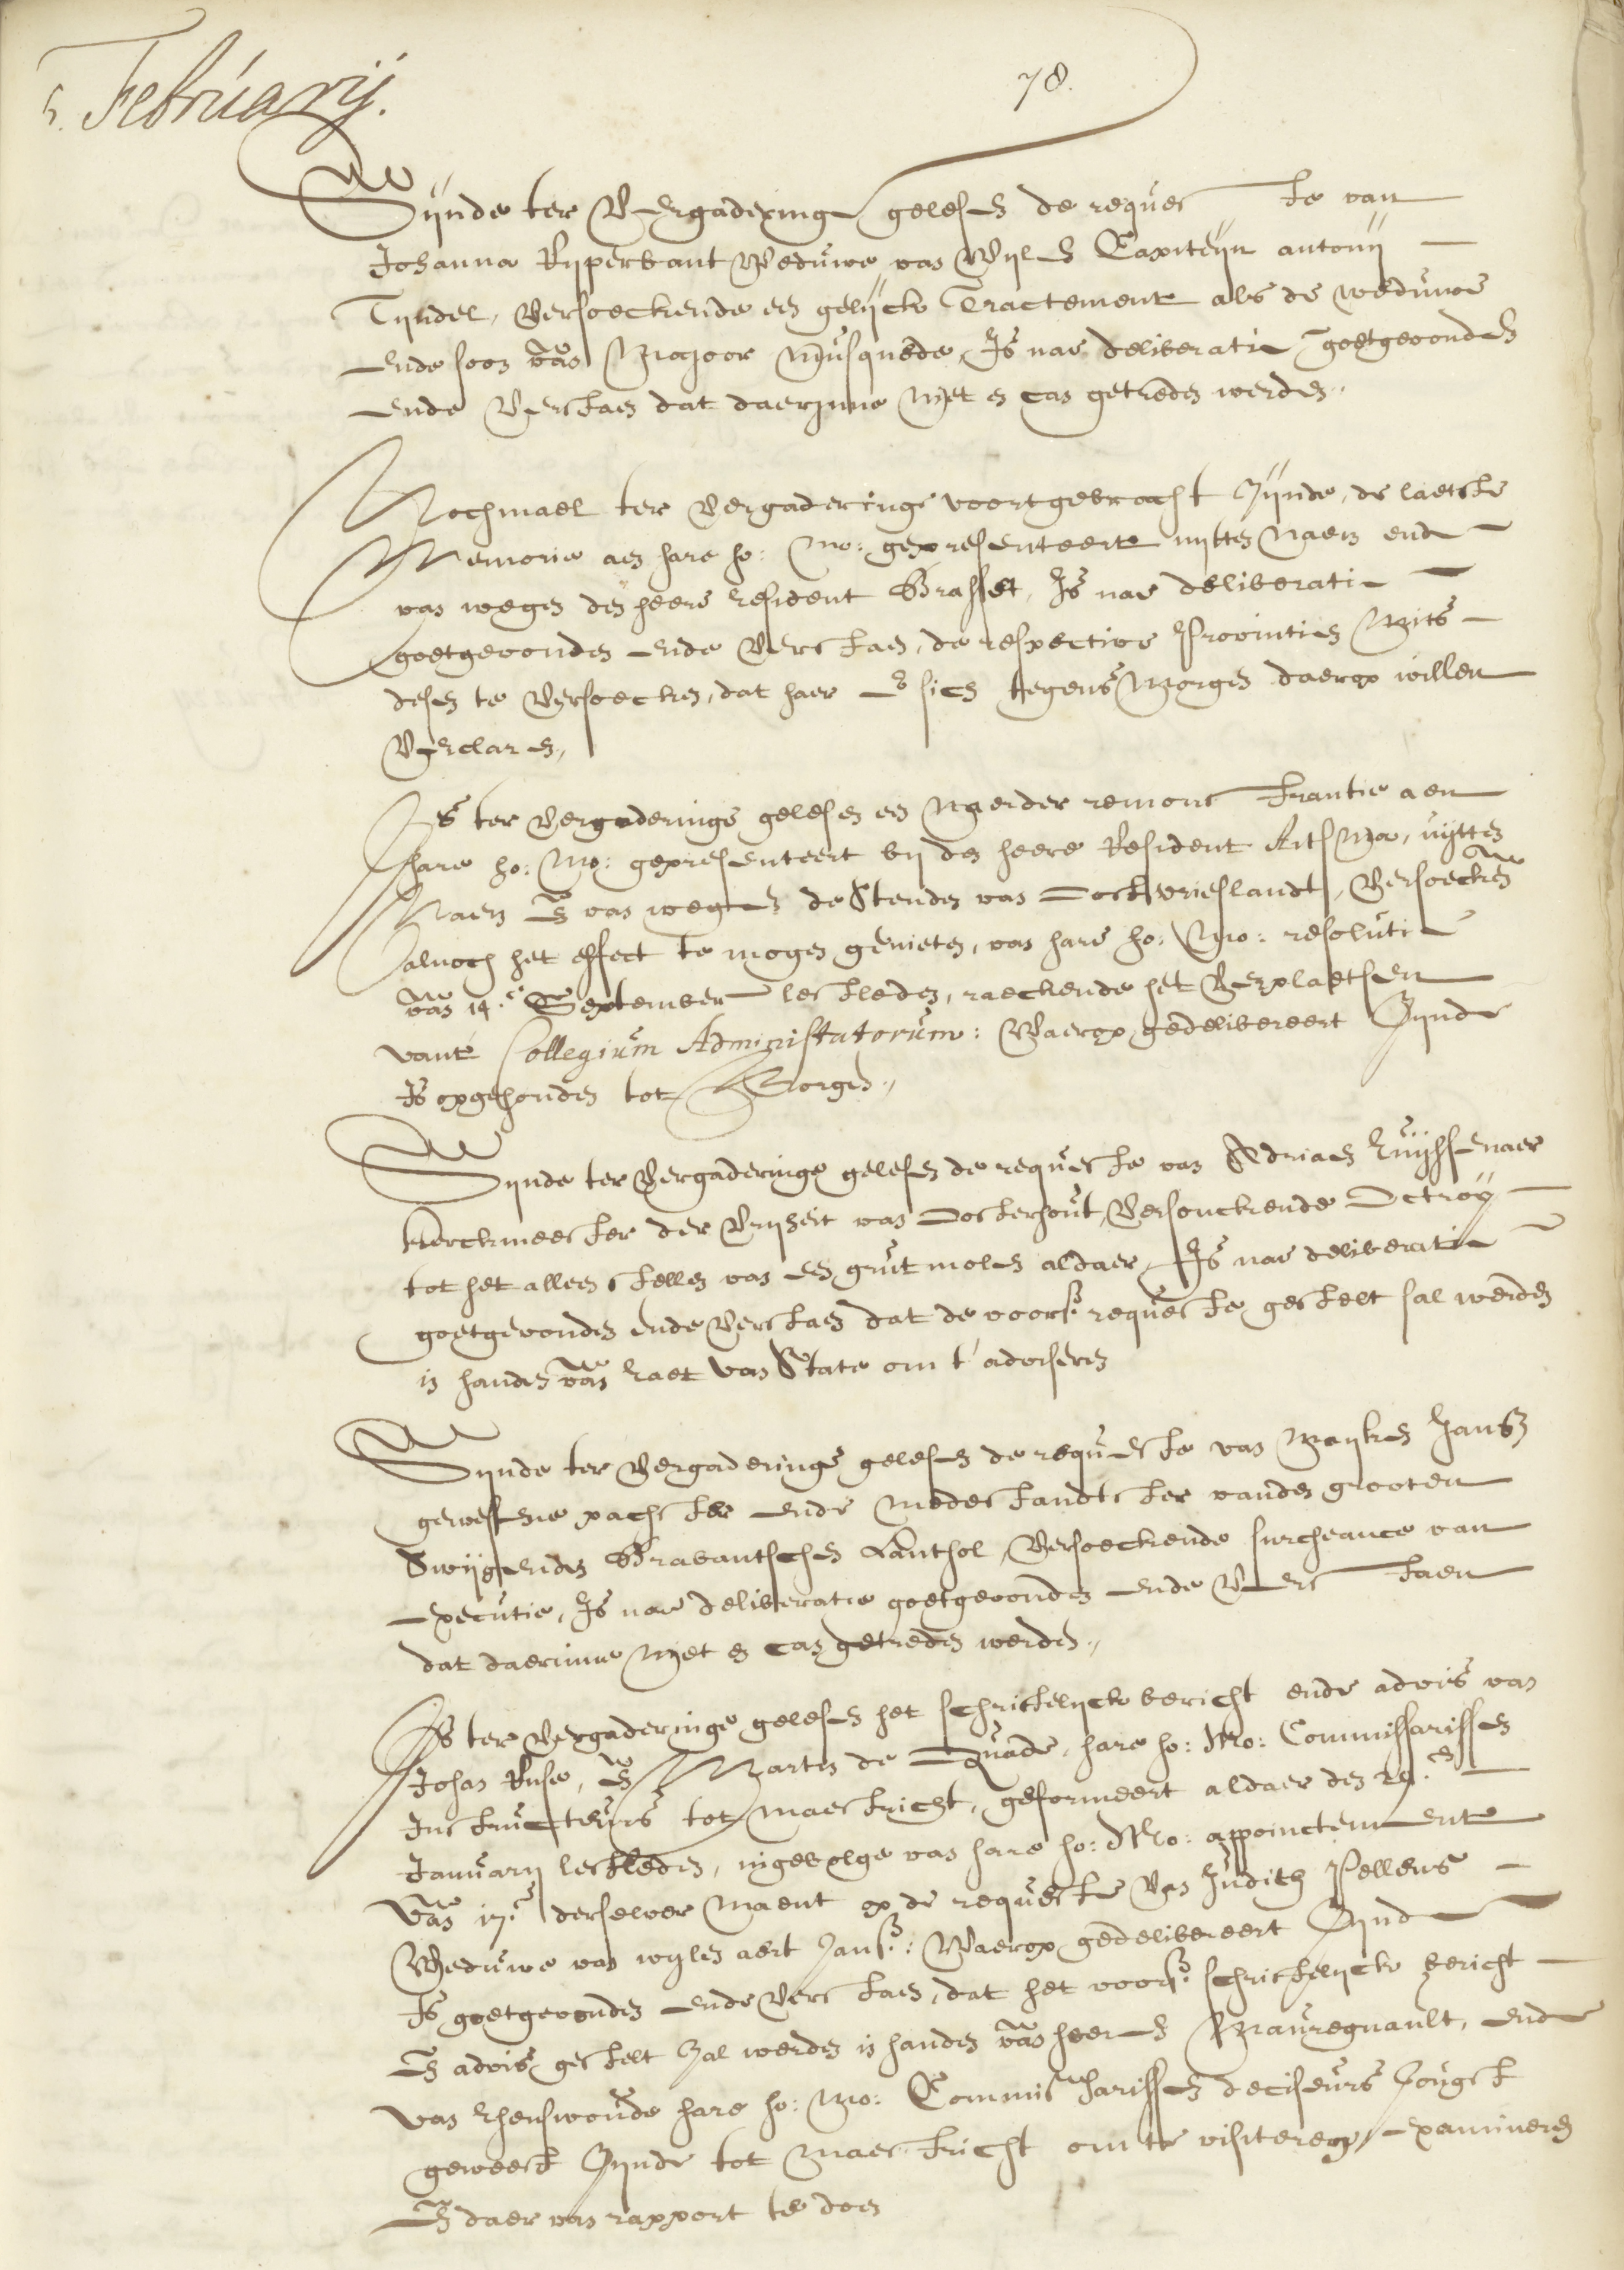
78.
1. Februarij.
Sijnde ter Vergaderinge gelesen de requeste van
Johanna Ryperbant Weduwe van Wylen Capiteijn antonij —
Tyndel, Versoeckende een gelijckTractement als de weduwe
ende soon van Majoor Musquede. Is nae deliberatie goetgevonden
ende Verstaen dat daerinne niet en can getreden werden.
Nochmael ter Vergaderinge voortgebracht Zijnde, de laetste
Memorie aen hare ho:Mo: gepresenteert uytten Naem ende
van wegen den heere resident Brasset. Is nae deliberatie
goetgevonden ende Verstaen, de respective Provintien Mits
desen te Versoecken, dat haer E sich tegens Morgen daerop willen
Verclaren.
Is ter Vergaderinge gelesen een naerder remonstrantie aen
hare ho:Mo: gepresenteert by den heere Resident Aitsma, uijtten
Naem en van wegen de Stenden van Oostvrieslandt, Versoecken
alnoch het effect te mogen genieten, van hare ho:Mo: resolutie
van 14e. September lestleden, raeckende het Verplaetsen
vant' Collegium Administatorum: Waerop gedelibereert Zynde
Is opgehouden tot Morgen.
Synde ter Vergaderinge gelesen de requeste van Adriaen Ruijssenaer
kerckmeester der Vryheit van Oosterhout, Versouckende Octroij
tot het alleen stellen van een grutmolen aldaer. Is nae deliberatie
goetgevonden ende Verstaen dat de voors. requeste gestelt sal werden
in handen van Raet van State om t‛adviseren
Synde ter Vergaderinge gelesen de requeste van Mayken Jansz
gewesene pachster ende medestandtster vanden grooten
Swijgenden Brabantschen Lanthol, Versoeckende surcheance van
executie. Is nae deliberatie goetgevonden ende Verstaen
dat daerinne niet en can getreden werden.
Is ter Vergaderinge gelesen het schriftelyck bericht ende advis van
Johan Ruse en Marten de Quade, hare ho:Mo: Commissarissen
Instructeurs tot maestricht, geformeert aldaer den 29en.
January lestleden, ingevolge van hare ho:Mo: appoinctement
van 17en. derselver maent op de requeste Van Judith Pellens
Weduwe van wylen aert Jans.: Waerop gedelibereert Zynde
Is goetgevonden ende Verstaen, dat het voors. schriftelyck bericht
en advis gestelt zal werden in handen van heeren Mauregnault, ende
van rhenswoude hare ho:Mo: Commissarissen deciseurs Jongst
geweest Zynde tot maestricht om te visiteren, examineren
en daer van rapport te doen
